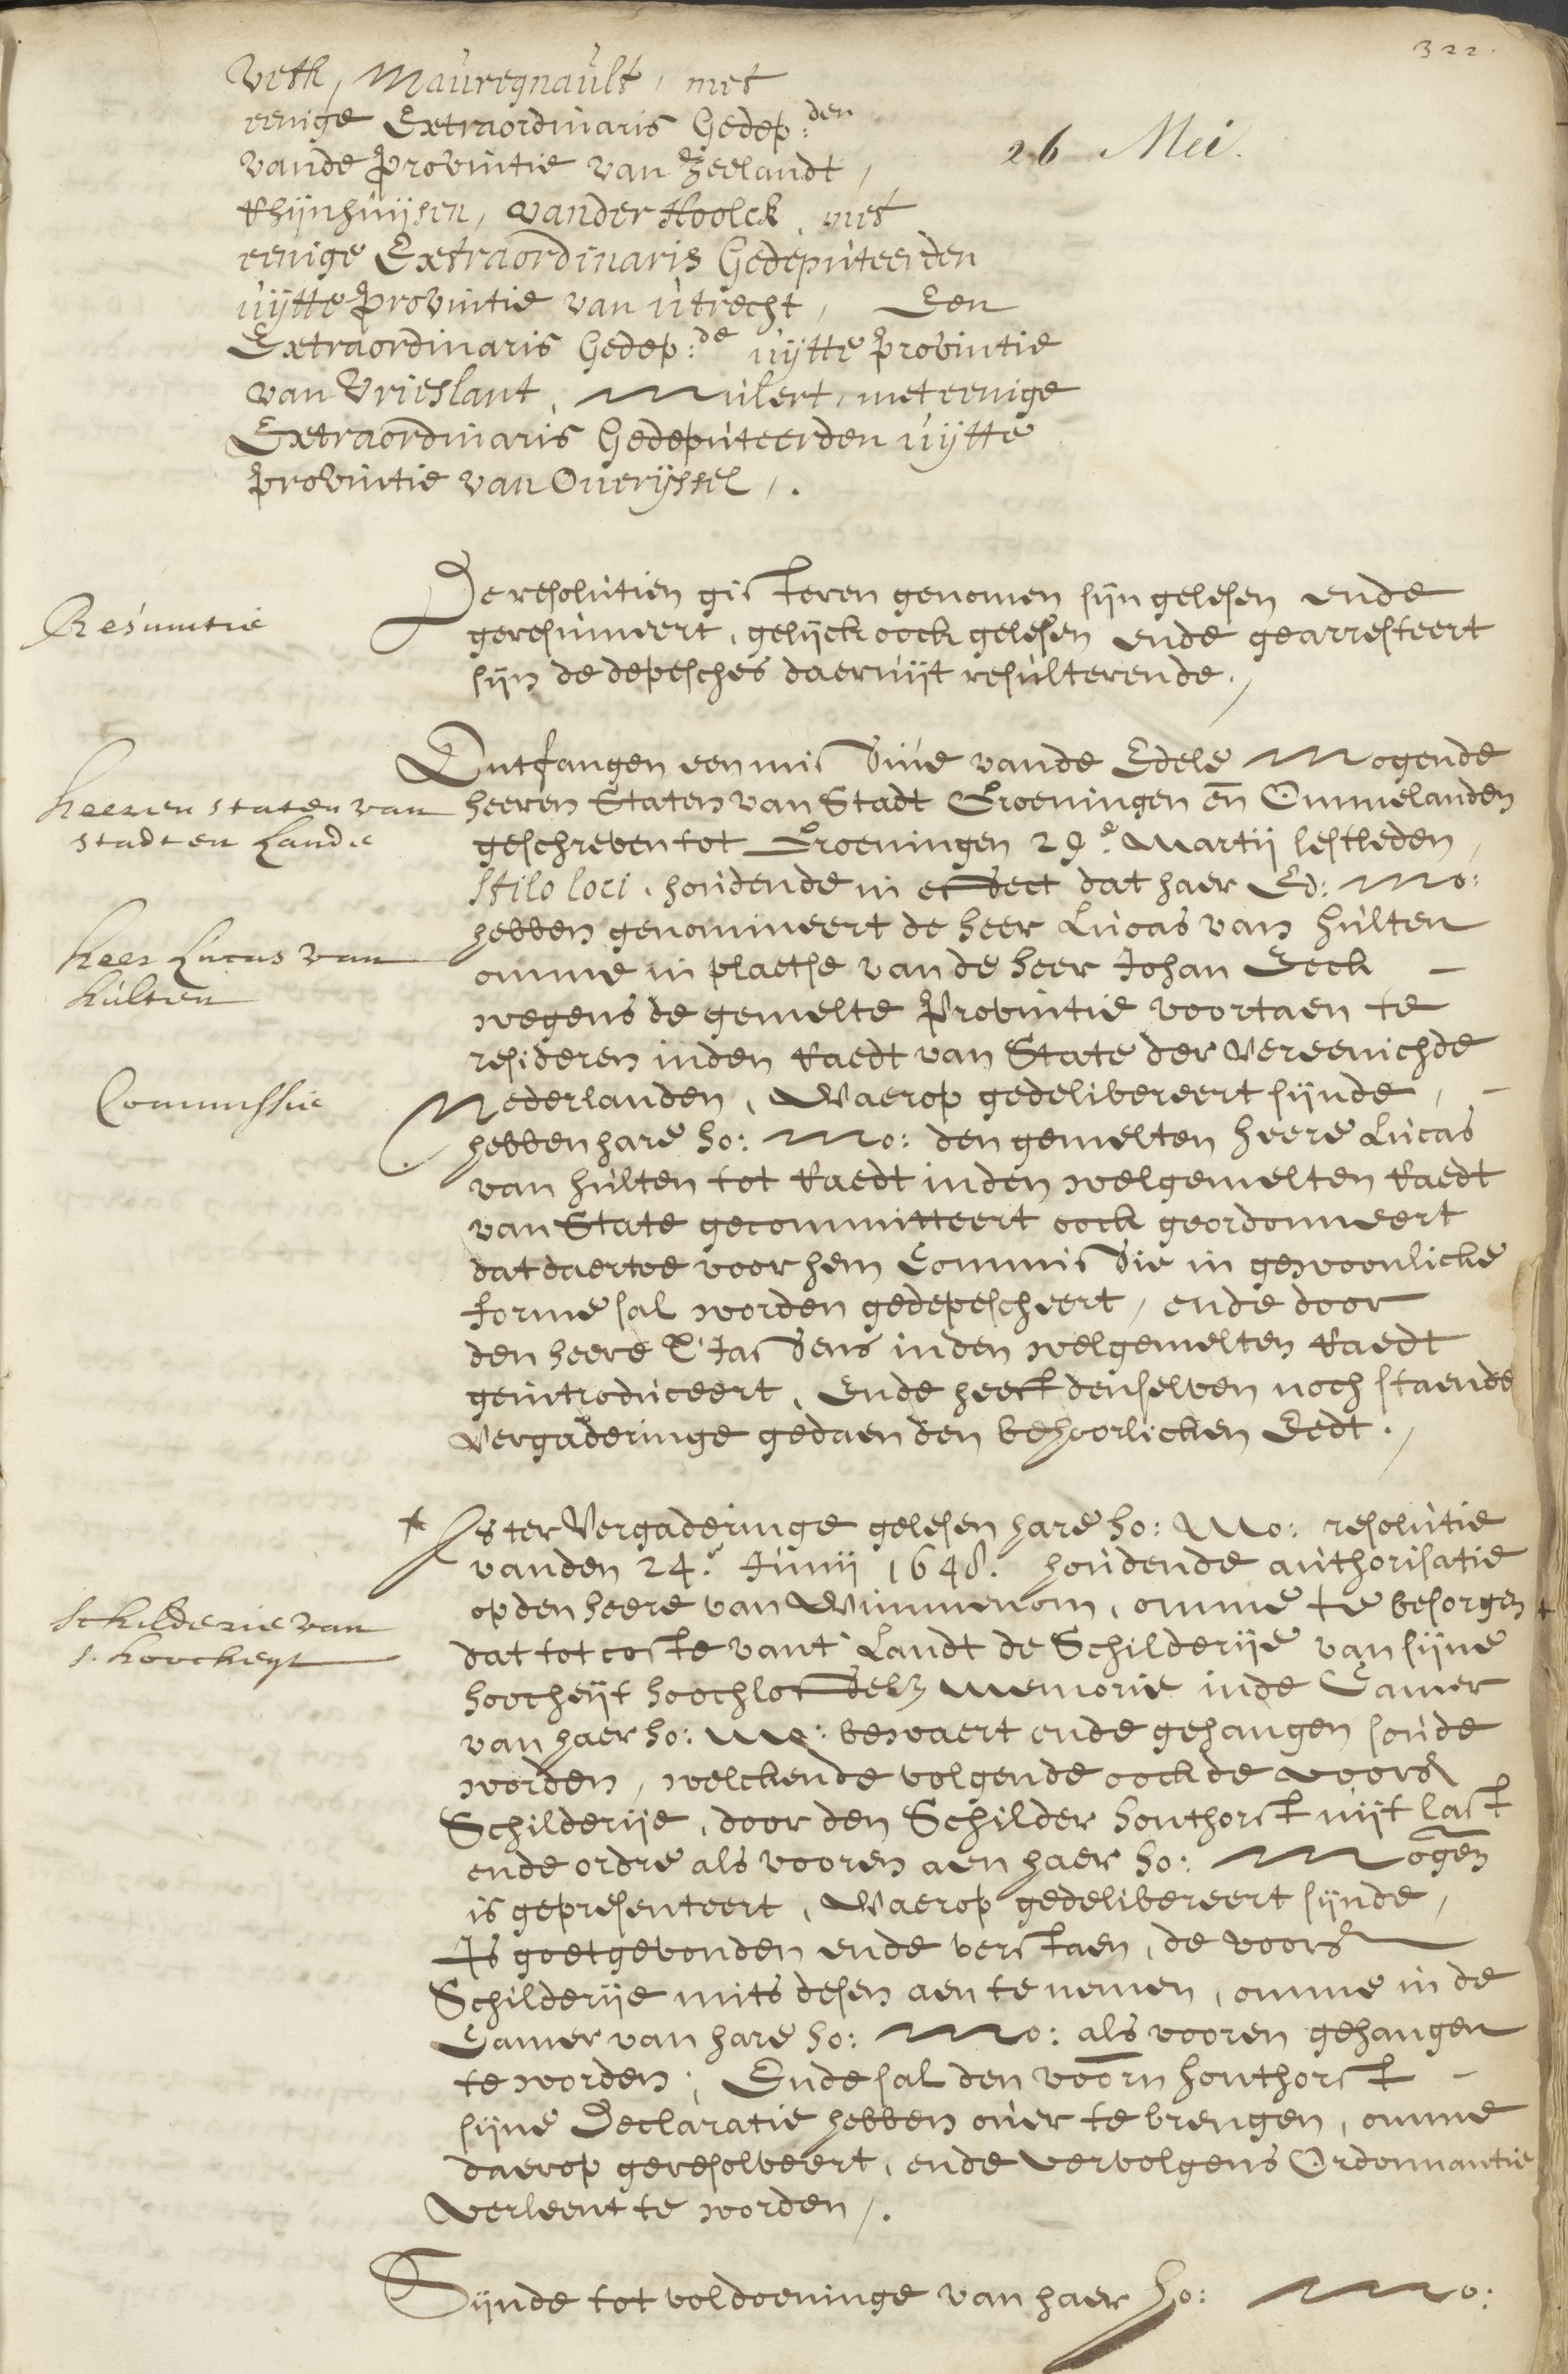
Veth, Mauregnault, met
eenige Extraordinaris Gedepden:
vande provintie van Zeelandt,
Rhijnhuijsen, vander Hoolck, met
eenige Extraordinaris Gedeputeerden
uijtte provintie van utrecht, Een
Extraordinaris Gedepde: uijtte provintie
van Vrieslant, Mulert, met eenige
Extraordinaris Gedeputeerden uijtte
provintie van Ouerijssel.
322.
26 Mei.
Resumtie
De resolutien gisteren genomen sijn gelesen ende
geresumeert, gelijck oock gelesen ende gearresteert
sijn de depesches daeruijt resulterende.
heeren staten van
stadt en Lande
heer Lucas van
hulten
Commissie
Ontfangen een missiue vande Edele Mogende
heeren Staten van Stadt Groeningen en Ommelanden
geschreven tot Groeningen 29e. Martij lestleden
stilo loci, houdende in effect dat haer Ed:Mo:
hebben genomineert de heer Lucas van hulten
omme in plaetse van de heer Johan Eeck
wegens de gemelte Provintie voortaen te
resideren inden Raedt van State der Vereenichde
Nederlanden. Waerop gedelibereert sijnde
hebben hare ho:Mo: den gemelten heere Lucas
van hulten tot Raedt inden welgemelten Raedt
van State gecommitteert oock geordonneert
dat daertoe voor hem Commissie in gewoonlicke
forme sal worden gedepescheert, ende door
den heere T‛Jassens inden welgemelten Raedt
geintroduceert, Ende heeft denselven noch staende
Vergaderinge gedaen den behoorlicken Eedt.
Schilderie van
s. Hoocheyt
Is ter Vergaderinge gelesen hare ho:Mo: resolutie
van den 24e. Junij 1648. houdende authorisatie
op den heere van Wimmenom, omme te besorgen
dat tot coste vant‛ Landt de Schilderije van sijne
hoocheijt hoochloffel Memorie inde Camer
van haer ho:Mo: bewaert ende gehangen soude
worden, welcken de volgende oock de voors
Schilderije, door den Schilder honthorst uijt last
ende ordre als vooren aen haer ho:Mogen
is gepresenteert. Waerop gedelibereert sijnde,
Is goetgevonden ende verstaen, de voors
Schilderije mits desen aen te nemen, omme in de
Camer van hare ho:Mo: als vooren gehangen
te worden; Ende sal den voorn honthorst -
sijne Declaratie hebben ouer te brengen, omme
daerop geresolveert, ende vervolgens Ordonnantie
verleent te worden.
Sijnde tot voldoeninge van haer ho:Mo:
